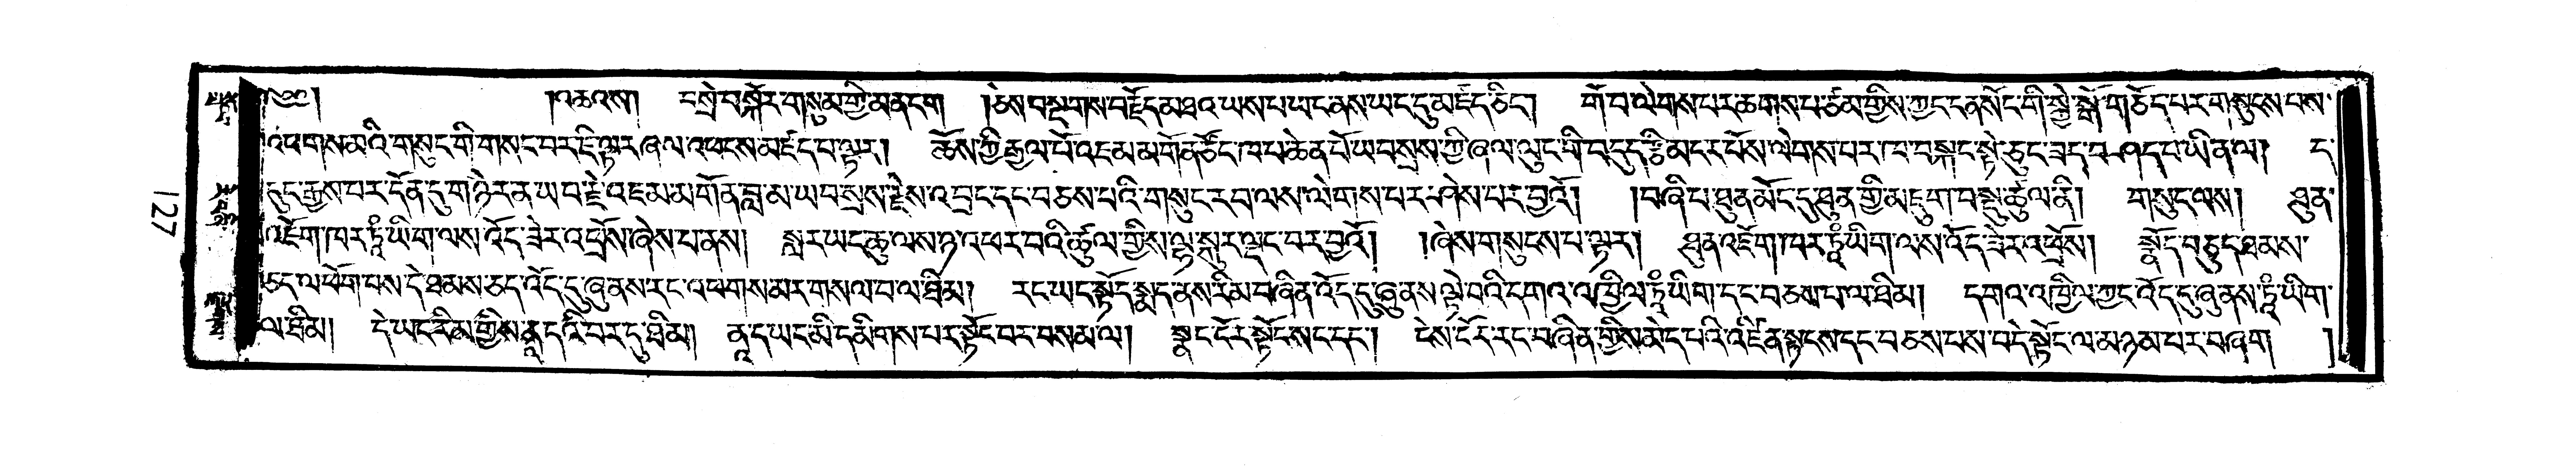༄༅། །འཆའ་ས། བསྲེ་བསྐོར་གསུམ་གྱི་མན་ངག །ཅེས་བསྔགས་བརྗོད་མཐའ་ཡས་པ་ཡང་ནས་ཡང་དུ་མཛད་ཅིང་། གོ་བ་ལེགས་པར་ཆགས་པ་ཙམ་གྱིས་ཀྱང་ངན་སོང་གི་སྐྱེ་སྒོ་གཅོད་པར་གསུངས་པས་
འཕགས་མའི་གསུང་གི་གསང་བར་ཇི་ལྟར་ཞལ་འཕངས་མཛད་པ་ལྟར། ཆོས་ཀྱི་རྒྱལ་པོ་འཇམ་མགོན་ཙོང་ཁ་པ་ཆེན་པོ་ཡབ་སྲས་ཀྱི་ཞལ་ལུང་གི་བདུད་རྩི་མངར་པོས་ལེགས་པར་ཁ་བསྐང་སྟེ་ཅུང་ཟད་བཤད་པ་ཡིན་ལ། ད་
དུང་རྒྱས་པར་དོན་དུ་གཉེར་ན་ཡབ་རྗེ་འཇམ་མགོན་བླ་མ་ཡབ་སྲས་རྗེ་འབྲང་དང་བཅས་པའི་གསུང་རབ་ལས་ལེགས་པར་ཤེས་པར་བྱའོ། །བཞི་པ་ཐུན་མོང་དུ་ཐུན་གྱི་མཇུག་བསྡུ་ཚུལ་ནི། གསུང་ལས། ཐུན་
འཇོག་ཁར་ཏཱཾ་ཡིག་ལས་འོད་ཟེར་འཕྲོས་ཞེས་པ་ནས། སླར་ཡང་ཆུ་ལས་ཉ་འཕར་བའི་ཚུལ་གྱིས་ལྷ་སྐུར་ལྡང་བདེ་བྱའོ། །ཞེས་གསུངས་པ་ལྟར། ཐུན་འཇོག་ཁར་ཏཱཾ་ཡིག་ལས་འོད་ཟེར་འཕྲོས། སྣོད་བཅུད་ཐམས་
ཅད་ལ་ཕོག་པས་དེ་ཐམས་ཅད་འོད་དུ་ཞུ་ནས་རང་འཕགས་མར་གསལ་བ་ལ་ཐིམ། རང་ཡང་སྟོད་སྨད་ནས་རིམ་བཞིན་འོད་དུ་ཞུ་ནས་ལྟེ་བའི་དགའ་འཁྱིལ་ཏཱཾ་ཡིག་དང་བཅས་པ་ལ་ཐིམ། དགའ་འཁྱིལ་ཡང་འོད་དུ་ཞུ་ནས་ཏཱཾ་ཡིག་
ལ་ཐིམ། དེ་ཡང་རིམ་གྱིས་ནཱ་དའི་བར་དུ་ཐིམ། ནཱ་ད་ཡང་མི་དམིགས་པར་སྟོང་པར་བསམས་ལ། སྣང་ངོར་སྟོང་སང་དང་། ངེས་ངོར་རང་བཞིན་གྱིས་མེད་པའི་འཛིན་སྟངས་དང་བཅས་པས་བདེ་སྟོང་ལ་མཉམ་པར་ཞག །